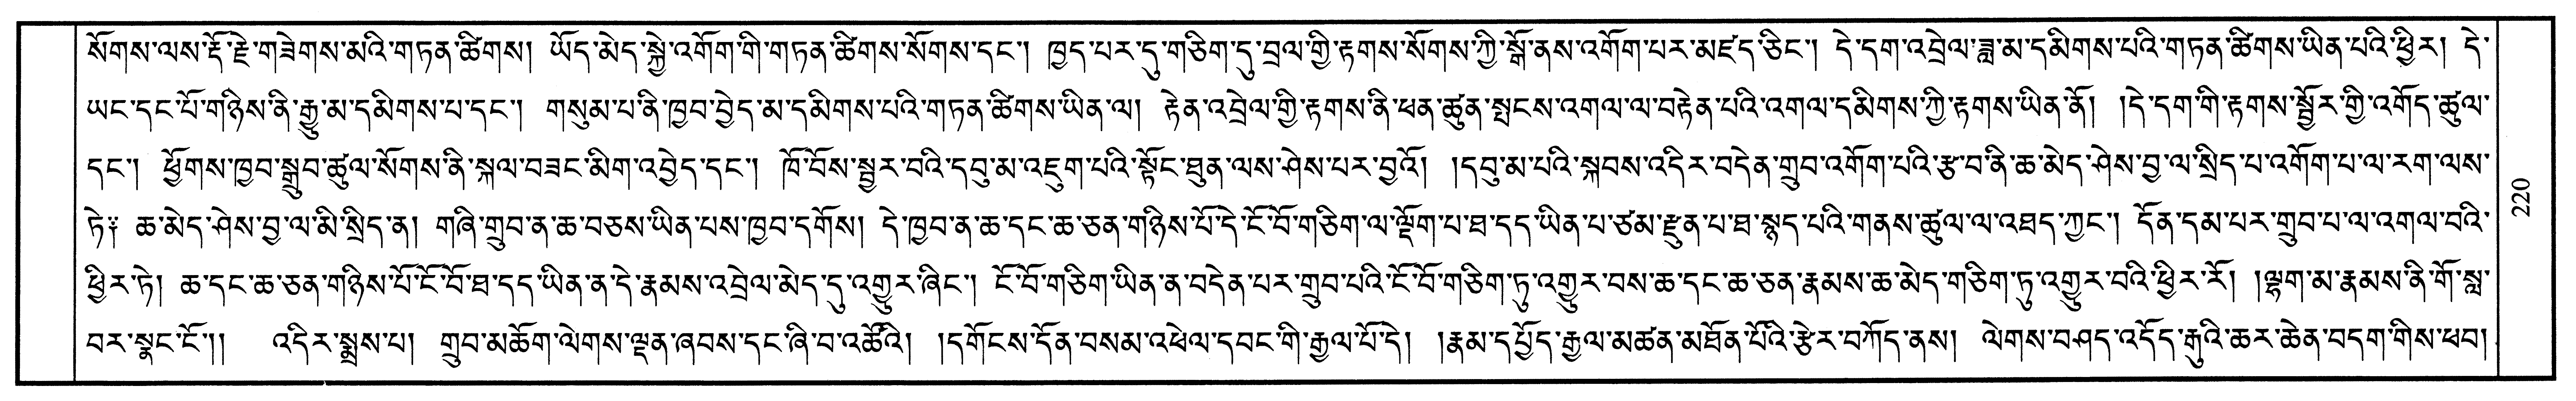སོགས་ལས་རྡོ་རྗེ་གཟེགས་མའི་གཏན་ཚིགས། ཡོད་མེད་སྐྱེ་འགོག་གི་གཏན་ཚིགས་སོགས་དང་། ཁྱད་པར་དུ་གཅིག་དུ་བྲལ་གྱི་རྟགས་སོགས་ཀྱི་སྒོ་ནས་འགོག་པར་མཛད་ཅིང་། དེ་དག་འབྲེལ་ཟླ་མ་དམིགས་པའི་གཏན་ཚིགས་ཡིན་པའི་ཕྱིར། དེ་
ཡང་དང་པོ་གཉིས་ནི་རྒྱུ་མ་དམིགས་པ་དང་། གསུམ་པ་ནི་ཁྱབ་བྱེད་མ་དམིགས་པའི་གཏན་ཚིགས་ཡིན་ལ། རྟེན་འབྲེལ་གྱི་རྟགས་ནི་ཕན་ཚུན་སྤངས་འགལ་ལ་བརྟེན་པའི་འགལ་དམིགས་ཀྱི་རྟགས་ཡིན་ནོ། །དེ་དག་གི་རྟགས་སྦྱོར་གྱི་འགོད་ཚུལ་
དང་། ཕྱོགས་ཁྱབ་སྒྲུབ་ཚུལ་སོགས་ནི་སྐལ་བཟང་མིག་འབྱེད་དང་། ཁོ་བོས་སྦྱར་བའི་དབུ་མ་འཇུག་པའི་སྟོང་ཐུན་ལས་ཤེས་པར་བྱའོ། །དབུ་མ་པའི་སྐབས་འདིར་བདེན་གྲུབ་པ་འགོག་པའི་རྩ་བ་ནི་ཆ་མེད་ཤེས་བྱ་ལ་སྲིད་པ་འགོག་པ་ལ་རག་ལས་
ཏེ༑ ཆ་མེད་ཤེས་བྱ་ལ་མི་སྲིད་ན། གཞི་གྲུབ་ན་ཆ་བཅས་ཡིན་པས་ཁྱབ་དགོས། དེ་ཁྱབ་ན་ཆ་དང་ཆ་ཅན་གཉིས་པོ་དེ་ངོ་བོ་གཅིག་ལ་ལྡོག་པ་ཐ་དད་ཡིན་པ་ཙམ་རྫུན་པ་ཐ་སྙད་པའི་གནས་ཚུལ་ལ་འཐད་ཀྱང་། དོན་དམ་པར་གྲུབ་པ་ལ་འགལ་བའི་
ཕྱིར་ཏེ། ཆ་དང་ཆ་ཅན་གཉིས་པོ་ངོ་བོ་ཐ་དད་ཡིན་ན་དེ་རྣམས་འབྲེལ་མེད་དུ་འགྱུར་ཞིང་། ངོ་བོ་གཅིག་ཡིན་ན་བདེན་པར་གྲུབ་པའི་ངོ་བོ་གཅིག་ཏུ་འགྱུར་བས་ཆ་དང་ཆ་ཅན་རྣམས་ཆ་མེད་གཅིག་ཏུ་འགྱུར་བའི་ཕྱིར་རོ། །ལྷག་མ་རྣམས་ནི་གོ་སླ་
བར་སྣང་ངོ།། འདིར་སྨྲས་པ། གྲུབ་མཆོག་ལེགས་ལྡན་ཞབས་དང་ཞི་བ་འཚོའི། །དགོངས་དོན་བསམ་འཕེལ་དབང་གི་རྒྱལ་པོ་དེ། །རྣམ་དཔྱོད་རྒྱལ་མཚན་མཐོན་པོའི་རྩེར་བཀོད་ནས། ལེགས་བཤད་འདོད་རྒུའི་ཆར་ཆེན་བདག་གིས་ཕབ།